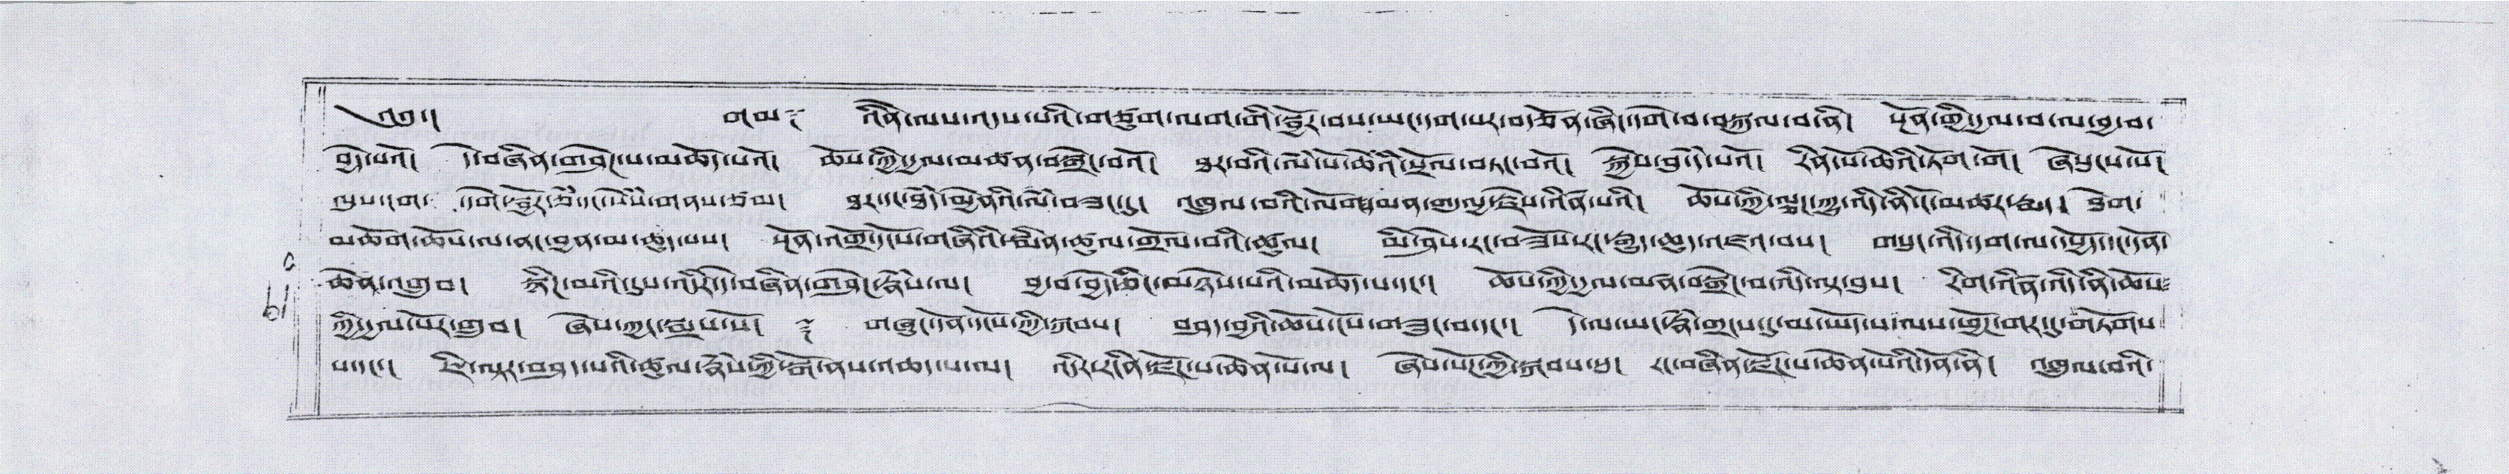གམ། འཇིག་རྟེན་ལས་འདས་པའི་གཙུག་ལག་གི་སྦྱོར་བས་ཡང་དག་པར་བརྩོན་ཞིང་དགེ་བ་བསྐུལ་བ་ནི། སྔོན་གྱི་རྒྱལ་བ་ལ་བྱ་བ་
བྱེད་པའོ། དེ་བཞིན་གཤེགས་པ་མཆོད་པའོ། ཆོས་ཀྱི་རྒྱལ་མཚན་བསྒྲེང་བའོ། ཐར་བའི་ལམ་པོ་ཆེའི་སྲོལ་བཏང་བའོ། སྐྱེས་བུ་དམ་པའོ། རིན་པོ་ཆེའི་ཏོག་གོ། ཞེས་གསུངས་སོ། 
ལུས་ངག། དགེ་སྦྱོར་ཙམ་དང་སེམས་གནས་ཙམ། ཐར་དང་ཐམས་ཅད་མཁྱེན་པའི་ལམ་བཟང་དུ། འཁྲུལ་བའི་ལོག་དམན་གདུལ་བྱ་རྗེས་འཛིན་པའི། ཆོས་ཀྱི་ལྕགས་ཀྱུ་འདི་ནི་ངོ་མཚར་རྨད། ཐེག་
མཆོག་ཆོས་ལ་ནང་བྱན་མ་ཆུད་པས། སྔོན་འགྲོ་དངོས་གཞིའི་སྨིན་ཚུལ་གྲོལ་བའི་ཚུལ། མི་ཤེས་རང་བཟོས་རང་རྒྱུད་ཆུད་འཛའ་བས། གསུང་འདི་དག་ལ་དཔྱོད་དང་དོན་
ཆེན་འགྲུབ། སྙིགས་མའི་དུས་འདིར་དེ་བཞིན་གཤེགས་རྣམས་ལ། བྱ་བ་བྱེད་ཅིང་མཉེས་པའི་མཆོད་པ་དང། ཆོས་ཀྱི་རྒྱལ་མཚན་བསྒྲེང་བ་འདི་ལྟ་བུས། རིག་འཛིན་འདི་ནི་ཆོས་
ཀྱི་རྒྱལ་པོར་གྲུབ། ཞེས་ཀྱང་སྨྲས་སོ། ༑ གཞུང་དོན་དངོས་ཀྱི་སྐབས། བཤད་བྱའི་ཆོས་ངོས་བཟུང་བ་དང། དེ་ལ་ཡང་རྣམ་གྲངས་དུ་མ་ཡོད་པ་ལས་ཕྱོགས་གར་དུ་གཏོགས་
པ་དང། ཇི་ལྟར་བཤད་པའི་ཚུལ་རྣམས་ཀྱི་སྒོ་ནས་འཆད་པ་ལ། འདིར་རང་བཞིན་རྫོགས་པ་ཆེན་པོ་ལ། ཞེས་སོགས་ཀྱི་སྐབས་སུ། རང་བཞིན་རྫོགས་པ་ཆེན་པོའི་དོན་ནི། འཁྲུལ་བའི་